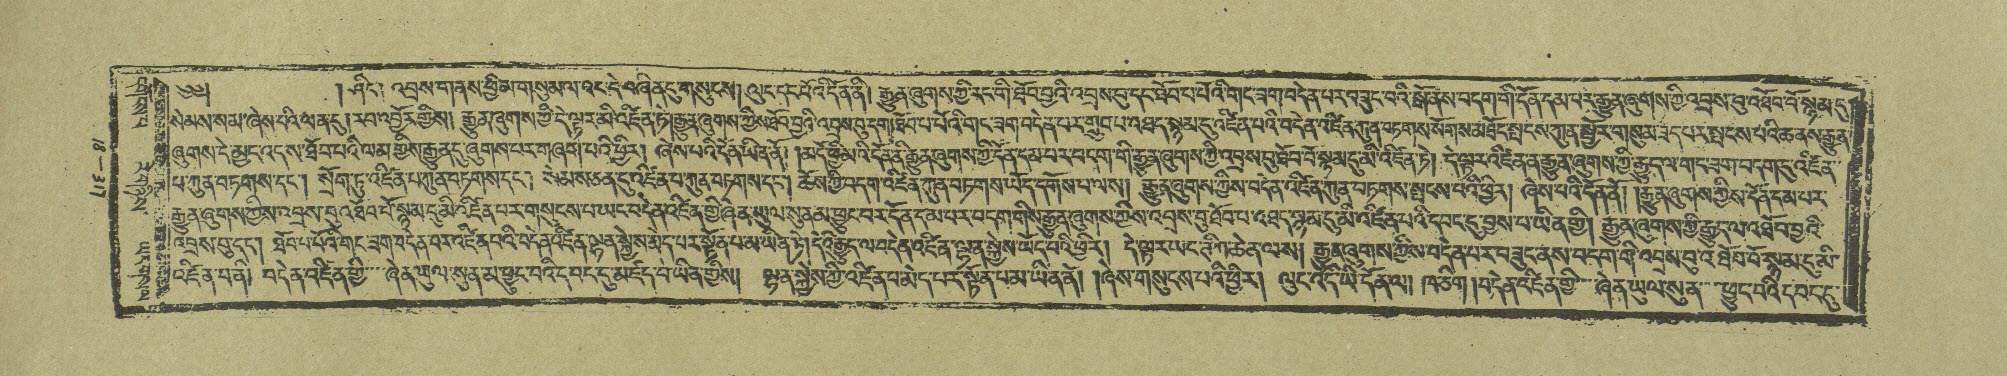༄༅། །ཤིང་། འབྲས་གནས་ཕྱི་མ་ལ་སུམ་ལའང་དེ་བཞིན་དུ་གསུངས། ལུང་དང་པོའི་དོན་ནི། རྒྱུན་ཞུགས་ཀྱི་རང་གི་ཐོབ་བྱའི་འབྲས་བུ་དང་ཐོབ་པ་པོའི་གང་ཟག་བདེན་པར་བཟུང་བའི་སྒོ་ནས་བདག་གི་དོན་དམ་པར་རྒྱུན་ཞུགས་ཀྱི་འབྲས་བུ་འཐོབ་བོ་སྙམ་དུ་
སེམས་སམ་ཞེས་པའི་ལན་དུ། རབ་འབྱོར་གྱིས། རྒྱུན་ཞུགས་ཀྱི་དེ་ལྟར་མི་འཛིན་ཏེ། རྒྱུན་ཞུགས་ཀྱིས་ཐོབ་བྱའི་འབྲས་བུ་དག །ཐོབ་པ་པོའི་གང་ཟག་བདེན་པར་གྲུབ་པ་འཐད་སྙམ་དུ་འཛིན་པའི་བདེན་འཛིན་ཀུན་བཏགས་སོགས་མཐོང་སྤངས་ཀུན་སྦྱོར་གསུམ་ཟད་པར་སྤངས་པའི་ཆ་ནས་རྒྱུན་
ཞུགས་དེ་མྱང་འདས་ཐོབ་པའི་ལམ་གྱིས་རྒྱུན་དུ་ཞུགས་པར་གཞག་པའི་ཕྱིར། ཞེས་པའི་དོན་ཡིན་ནོ། །མདོ་ཕྱི་མའི་དོན་ནི་རྒྱུན་ཞུགས་ཀྱི་དོན་དམ་པར་བདག་གི་རྒྱུན་ཞུགས་ཀྱི་འབྲས་བུ་ཐོབ་བོ་སྙམ་དུ་མི་འཛིན་ཏེ། དེ་ལྟར་འཛིན་ན་རྒྱུན་ཞུགས་ཀྱི་རྒྱུད་ལ་གང་ཟག་བདག་དུ་འཛིན་
པ་ཀུན་བཏགས་དང་། སྲོག་ཏུ་འཛིན་པ་ཀུན་བཏགས་དང་། སེམས་ཅན་དུ་འཛིན་པ་ཀུན་བཏགས་དང་། ཆོས་ཀྱི་བདག་འཛིན་ཀུན་བཏགས་ཡོད་དགོས་པ་ལས། རྒྱུན་ཞུགས་ཀྱིས་བདེན་འཛིན་ཀུན་བཏགས་སྤངས་པའི་ཕྱིར། ཞེས་པའི་དོན་ནོ། །རྒྱུན་ཞུགས་ཀྱིས་དོན་དམ་པར་
རྒྱུན་ཞུགས་ཀྱིས་འབྲས་བུ་འཐོབ་བོ་སྙམ་དུ་མི་འཛིན་པར་གསུངས་པ་ཡང་བདེན་འཛིན་གྱི་ཞེན་ཡུལ་སུན་མ་ཕྱུང་བར་དོན་དམ་པར་བདག་གིས་རྒྱུན་ཞུགས་ཀྱིས་འབྲས་བུ་ཐོབ་པ་འཐད་སྙམ་དུ་མི་འཛིན་པའི་དབང་དུ་བྱས་པ་ཡིན་གྱི། རྒྱུན་ཞུགས་ཀྱི་རྒྱུད་ལ་འཐོབ་བྱའི་
འབྲས་བུ་དང་། ཐོབ་པ་པོའི་གང་ཟག་བདེན་པར་འཛིན་པའི་བདེན་འཛིན་ལྷན་སྐྱེས་མེད་པར་སྟོན་པ་མ་ཡིན་ཏེ། དེའི་རྒྱུད་ལ་བདེན་འཛིན་ལྷན་སྐྱེས་ཡོད་པའི་ཕྱིར། དེ་ལྟར་ཡང་ཊཱིཀ་ཆེན་ལས། རྒྱུན་ཞུགས་ཀྱིས་བདེན་པར་བཟུང་ནས་བདག་གི་འབྲས་བུ་འཐོབ་བོ་སྙམ་དུ་མི་
འཛིན་པ་ནི། བདེན་འཛིན་གྱི་ཞེན་ཡུལ་སུན་མ་ཕྱུང་བའི་དབང་དུ་མཛད་པ་ཡིན་གྱིས། ལྷན་སྐྱེས་ཀྱི་འཛིན་པ་མེད་པར་སྟོན་པ་མ་ཡིན་ནོ། །ཞེས་གསུངས་པའི་ཕྱིར། ལུང་འདི་ཡི་དོན་ལ། ཁ་ཅིག །བདེན་འཛིན་གྱི་ཞེན་ཡུལ་སུན་ཕྱུང་བའི་དབང་དུ་